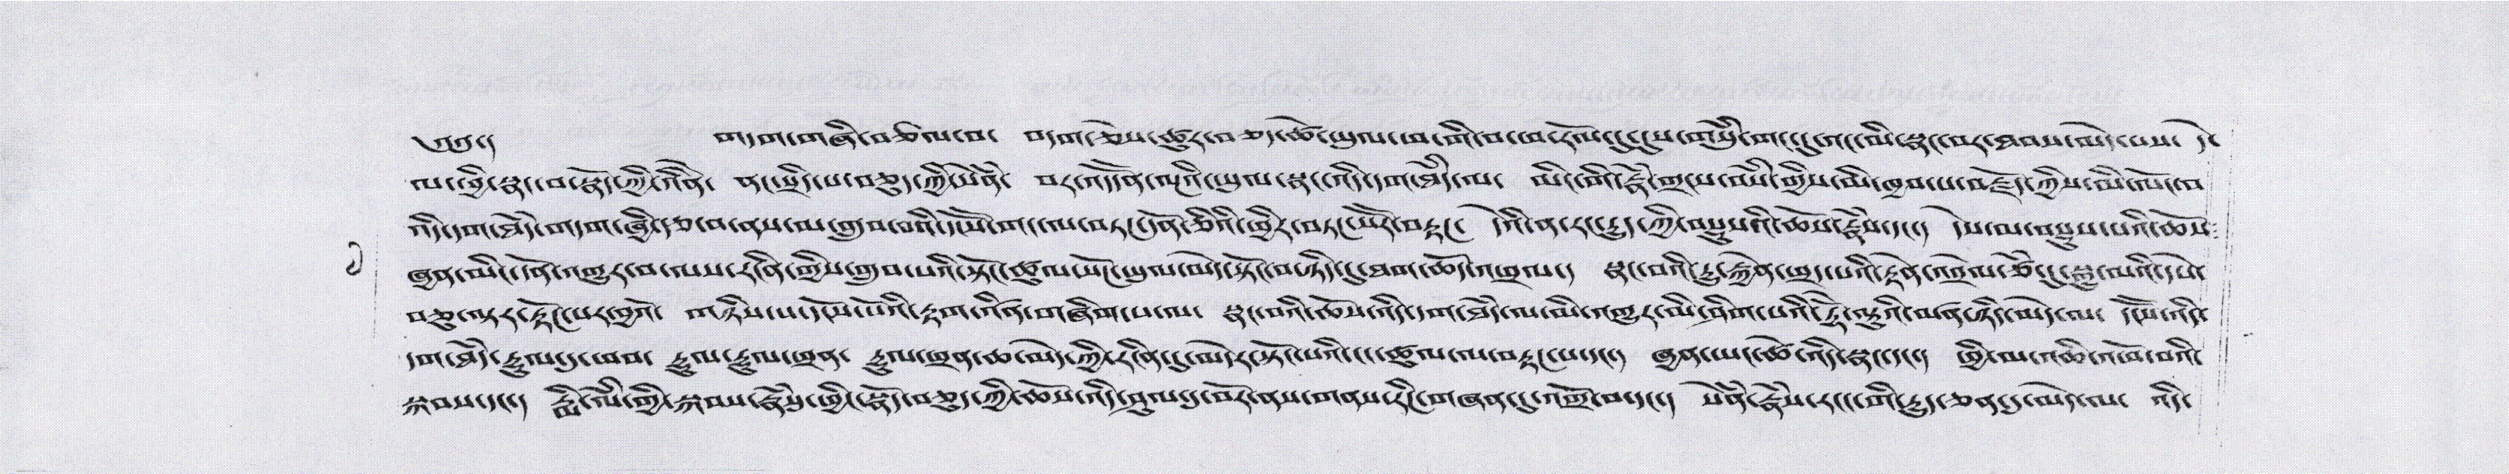གདག་གཞི་བཙལ་བ། བདག་ཅེས་ཚུར་བཅད་ཚེ་ཡུལ་ཕ་གི་བ་ཕ་རོལ་དུ་དུས་གསུམ་གང་དུའང་མི་སྣང་བར་ཐབས་མེད་པས། དེ་
ལ་ཕྱི་སྣང་བ་སྣོད་ཀྱི་འཇིག་རྟེན། ནང་སྲིད་པ་བཅུད་ཀྱི་སེམས་ཅན། བར་འདོད་ཡོན་ལྔ་ཡི་ཡུལ་སྣང་འདི་དག་ཐམས་ཅད་ལ། མིང་གི་རྣམ་གྲངས་བསམ་གྱིས་མི་ཁྱབ་བརྗོད་ཀྱིས་མི་ལང་བ་
འདི་དག་ཐམས་ཅད་གདག་གཞི་རྩ་བ་ནས་མ་གྲུབ་པའི་དངོས་པོ་གང་ལ་བཏགས་དོན་ཅིའི་ཕྱིར་བཏགས་སོ་སོར་བཏགས། དེས་ན་རང་རྒྱུད་ཀྱིས་བསྡུས་པའི་ཆོས་རྣམས་དང་། དེས་མ་བསྡུས་པའི་ཆོས་
གཞན་མིང་དོན་འགྱུར་བ་ལས་རང་བཞིན་གྱིས་གྲུབ་པའི་སྟོང་ཚུལ་སོགས་ཡུལ་མེད་སྟོང་པ་ཉིད་དུ་ཐག་ཆོས་འཕྲལ། སྣང་བའི་རྒྱུ་རྐྱེན་འཕྲད་པའི་རྟེན་འབྲེལ་ཙམ་དུ་སྒྱུ་མའི་དཔེ་
བཅུ་ལྟར་རྟོགས་པར་བྱའོ། གཉིས་པ་དངོས་པོའི་རྟག་འཛིན་གཞིག་པ་ལ། སྣང་བའི་ཆོས་འདི་དག་ཐམས་ཅད་ལ་མི་འགྱུར་མི་ཤིག་པའི་རྡོ་རྗེ་ལྟ་བུའི་མཚན་ཉིེད་མེད་ལ། དངོས་པོ་འདི་
དག་ཐམས་ཅད་རྡུལ་དུ་ཕབ། རྡུལ་རྡུལ་ཕྲན། རྡུལ་ཕྲན་ཆ་མེད་ཀྱི་རང་བཞིན་དུ་མེད་པར་སྟོང་པའི་ངང་ཚུལ་ལ་བརྟགས་པ་དང་། གཞན་ཡང་ཚེ་འདི་སྣང་དང་། ཕྱི་མ་འཆི་འཕོ་བའི་
སྐབས་དང་། རྨི་ལམ་གྱི་སྐབས་རྣམས་སུ་ཕྱི་ནང་སྣོད་བཅུད་ཀྱི་ཆོས་འདི་ཤུལ་དུ་བོར་ནས་གནས་རིགས་གཞན་དུ་འགྲོ་བ་དང་། སེམས་ཅན་རྣམས་རང་རང་གི་རྒྱུད་ཅན་དུ་མེད་ལ། འདི་